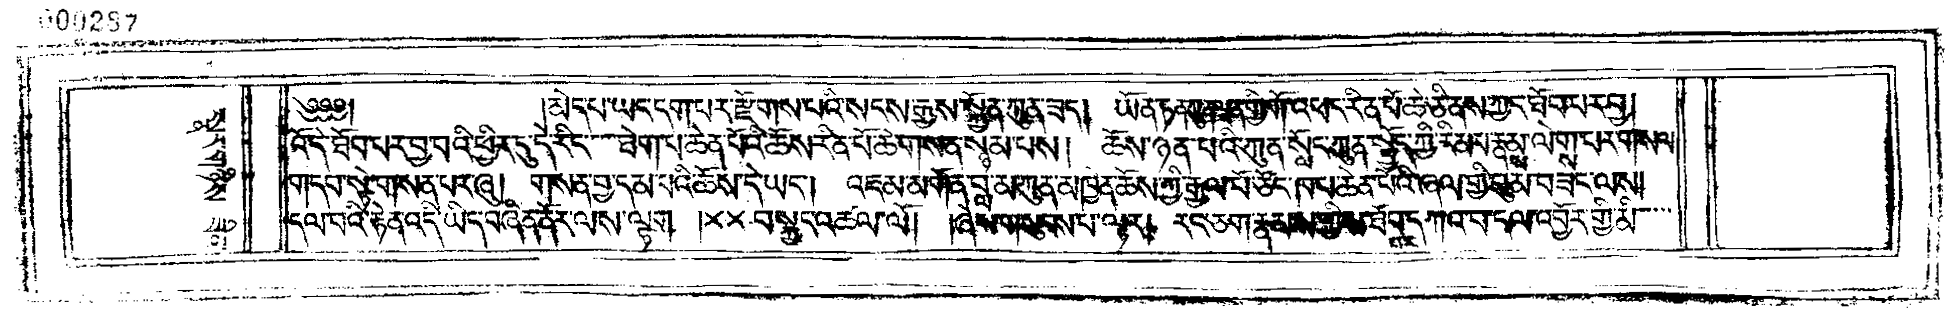༄༅༅། །མེད་པ་ཡང་དག་པར་རྫོགས་པའི་སངས་རྒྱས་སྐྱོན་ཀུན་ཟད། ཡོན་ཏན་ཀུན་ལྡན་གྱི་གོ་འཕང་རིན་པོ་ཆེ་ཅི་ནས་ཀྱང་ཐོབ་པར་བྱ།
འདི་ཐོབ་པར་བྱ་བའི་ཕྱིར་དུ་དེ་རིང་ཐེག་པ་ཆེན་པོའི་ཆོས་རིན་པོ་ཆེ་གསན་སྙམ་པས། ཆོས་ཉན་པའི་ཀུན་སློང་ཀུན་སྤྱོད་ཀྱི་རིམ་པ་རྣམས་ལེགས་པར་གསལ་
གདབ་སྟེ་གསན་པར་ཞུ། གསན་བྱ་དམ་པའི་ཆོས་དེ་ཡང་། འཇམ་མགོན་བླ་མ་ཀུན་མཁྱེན་ཆོས་ཀྱི་རྒྱལ་པོ་ཙོང་ཁ་པ་ཆེན་པོའི་ཞལ་གྱི་བུམ་བཟང་ལས།
དལ་བའི་རྟེན་འདི་ཡིད་བཞིན་ནོར་ལས་ལྷག །྾྾་བསྐྱང་འཚལ་ལོ། །ཞེས་གསུངས་པ་ལྟར། རང་ཅག་རྣམས་ཀྱིས་ཐོབ་པར་དཀའ་བ་དལ་འབྱོར་གྱི་མི་